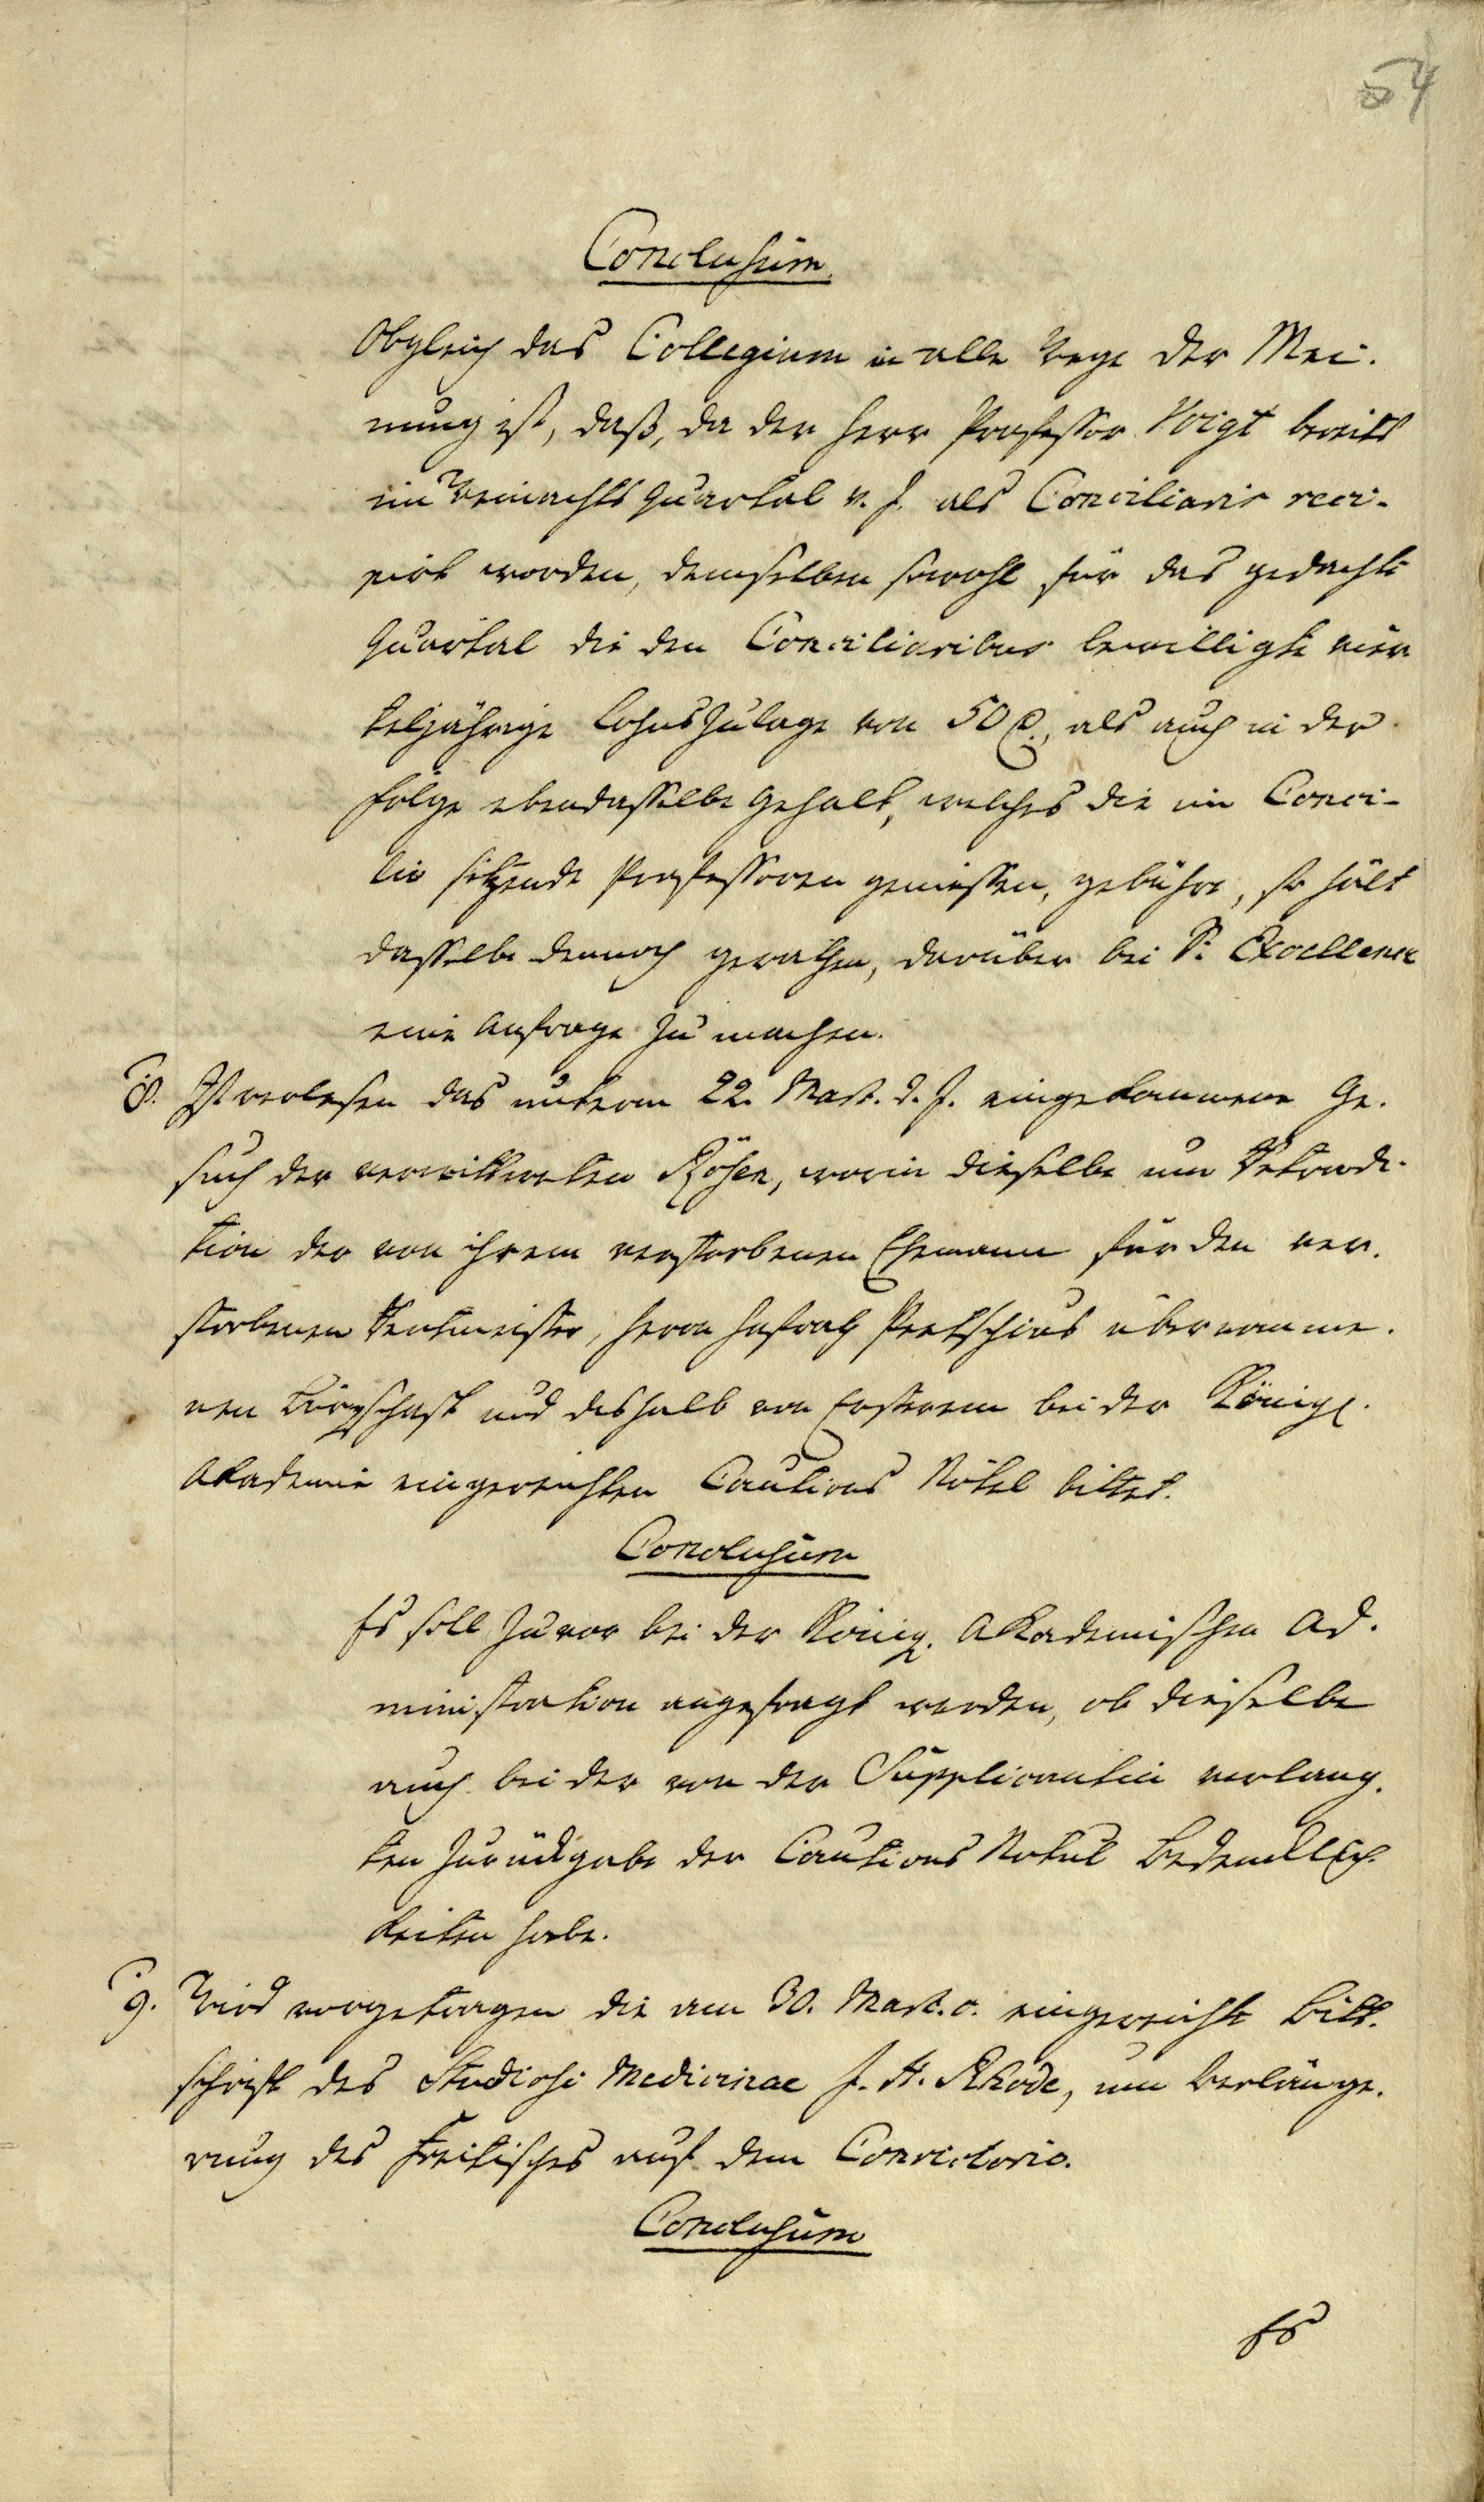Conclusum
Obgleich das Collegium in alle Wege der Mei¬
nung ist, daß, da der Herr Professor Voigt bereits
im Weinachts Quartal v. J. als Conciliaris reci¬
pirt worden, demselben sowohl für das gedachte
Quartal die den Conciliaribus bewilligte vier
teljährige Lohnszulage von 50 l, als auch in der
Folge ebendasselbe Gehalt, welches die im Conci¬
lio sitzende Professoren geniessen, gebühre, so hält
dasselbe dennoch gerathen, darüber bei Sr. Excellence
eine Anfrage zu machen.
8. Ist verlesen das unterm 22. Mart. d. J. eingekommene Ge¬
such der verwittweten Rösen, worin dieselbe um Retradi¬
tion der von ihrem verstorbenen Ehemann für den ver¬
storbenen Rentmeister, Herrn Hofrath Peetschius übernomme¬
nen Bürgschaft und deshalb von Ersterem bei der Königl.
Akademie eingereichten Cautions Notel bittet.
Conclusum
Es soll zuvor bei der König. Akademischen Ad¬
ministration angefragt werden, ob dieselbe
auch bei der von der Supplicantin verlang¬
ten Zurückgabe der Cautions Notul Bedencklich¬
keiten habe.
9. Wird vorgetragen die am 30. Mart. c. eingereichte Bitt¬
schrift des Studiosi Medicinae J. H. Rhode, um Verlänge¬
rung des Freitisches auf dem Convictorio.
Conclusum
Es